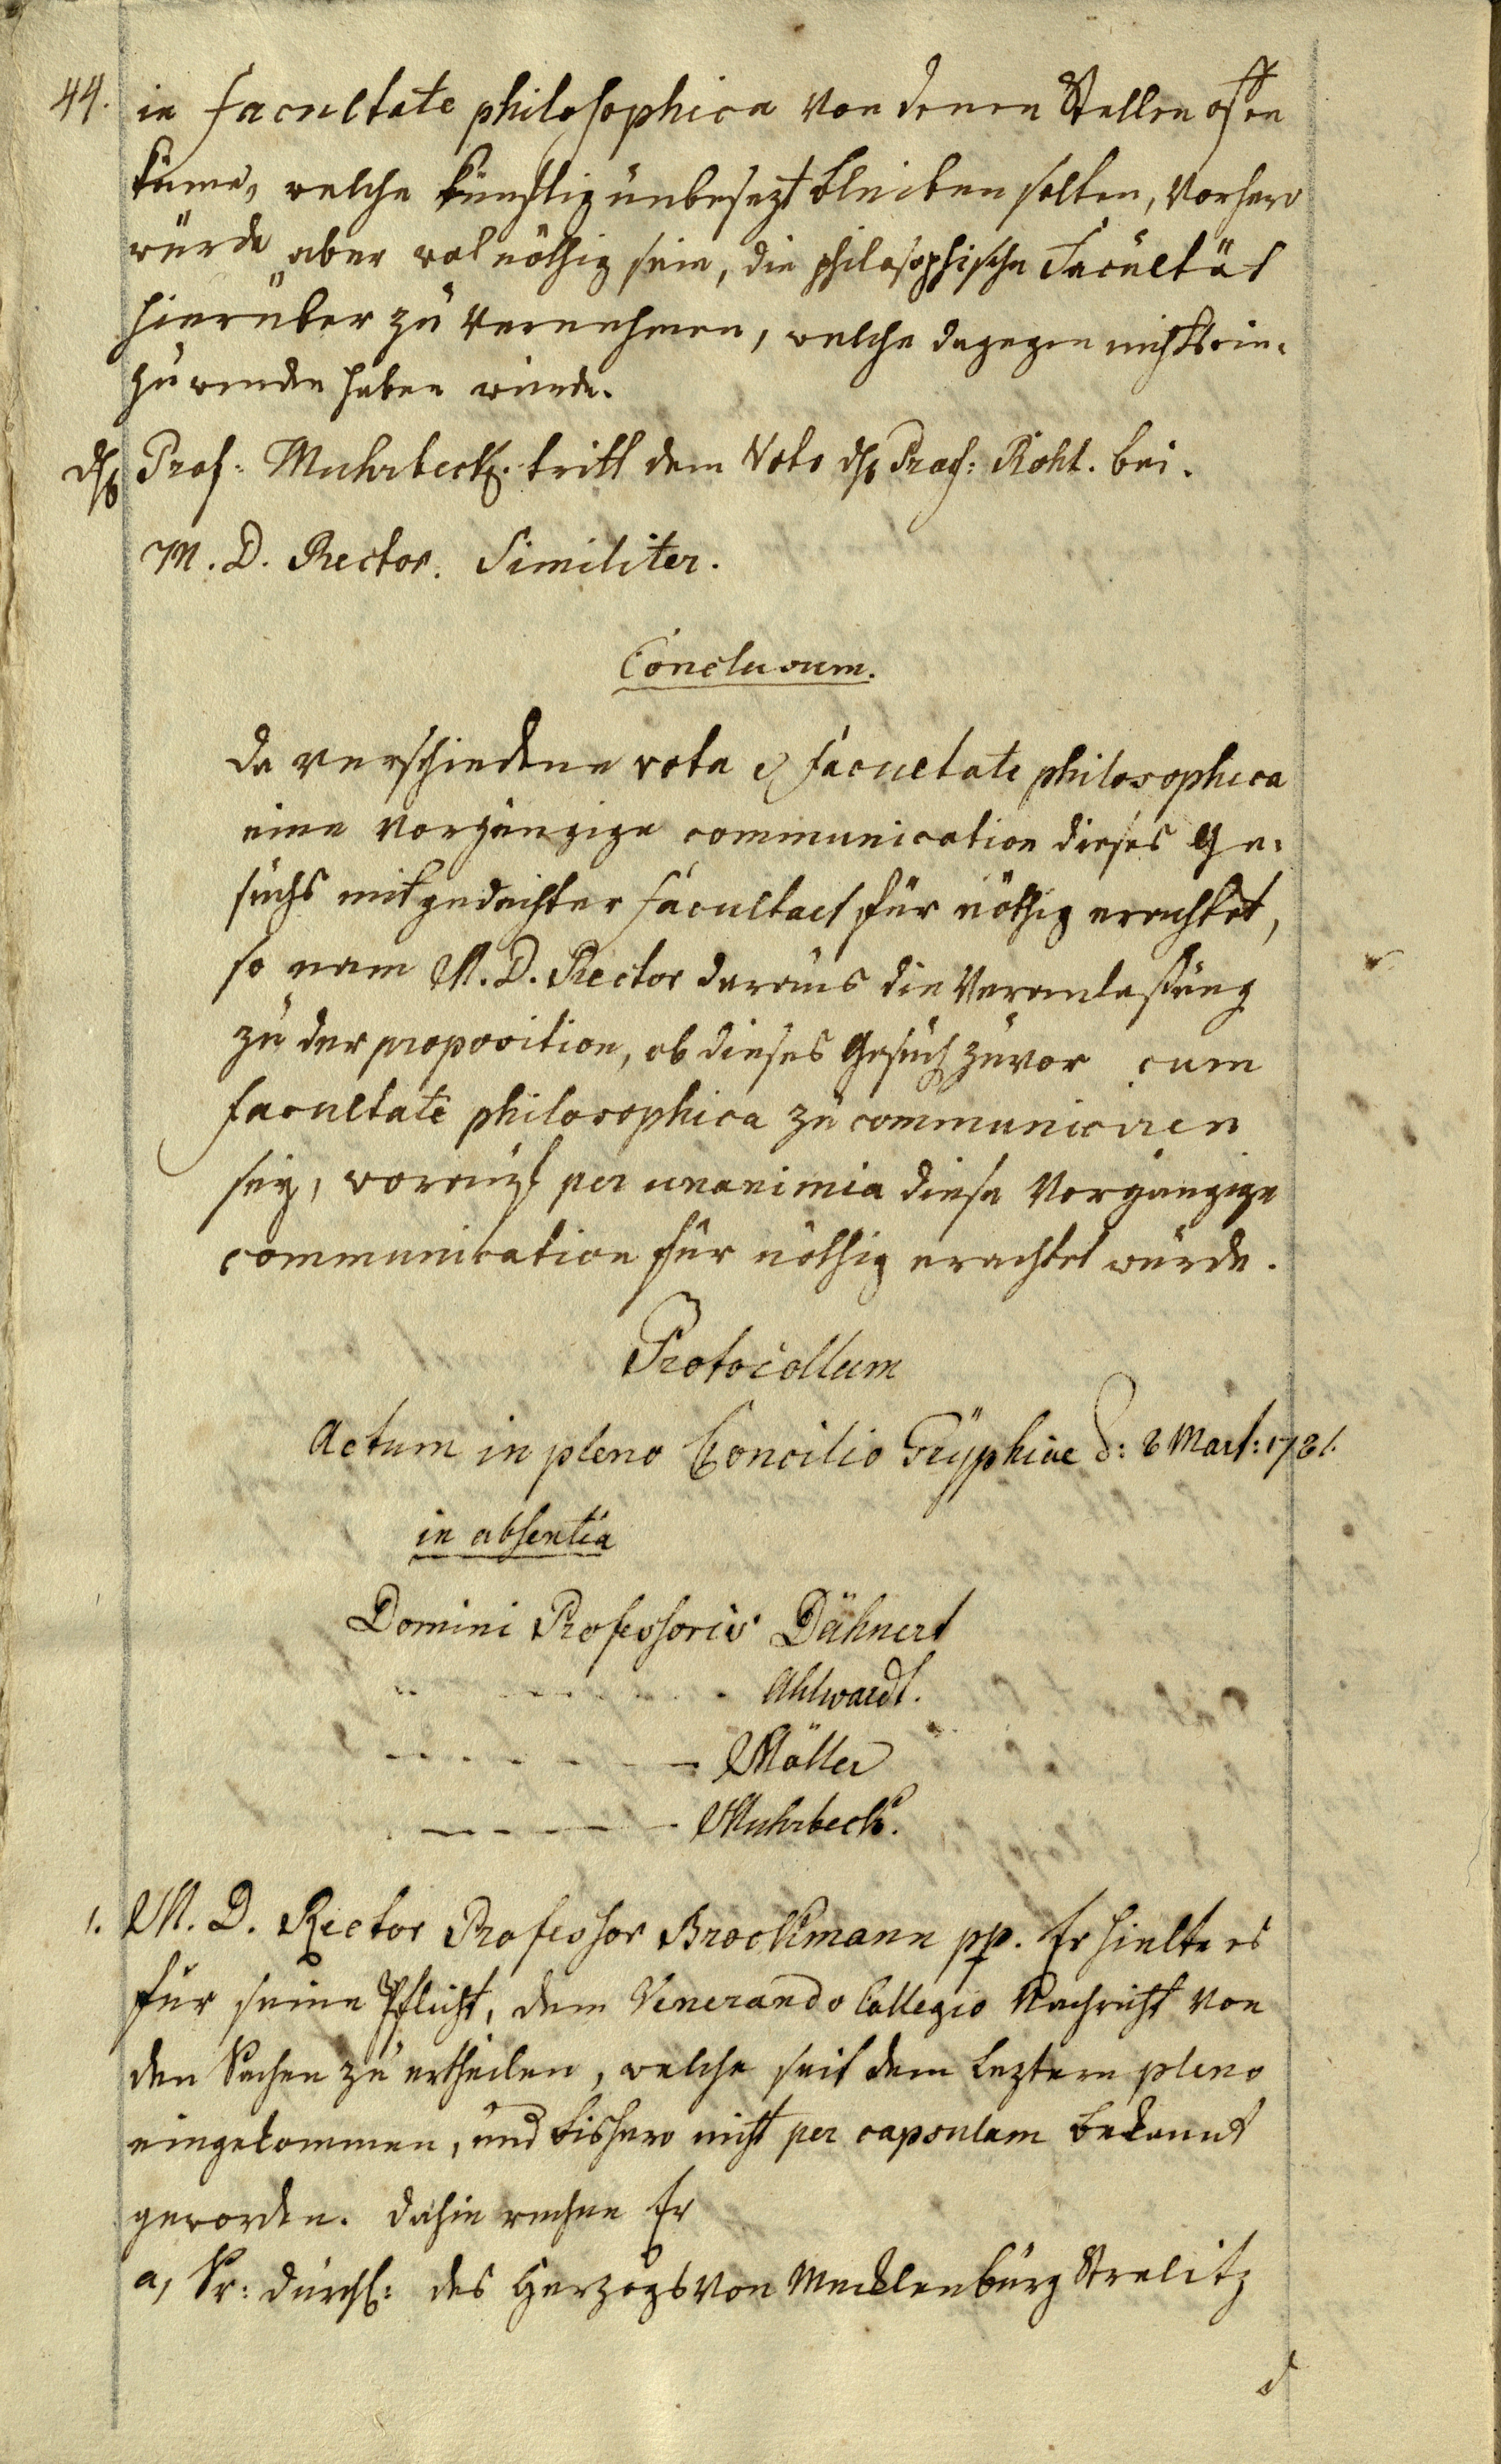in Facultate philosophica von denen Stellen offen
käme, welche künftig unbesezt bleiben solten, vorher
würde aber wol nöthig sein, die philosophische Facultät
hierüber zu vernehmen, welche dagegennichts ein¬
zuwenden haben würde.
dh Prof. Muhrbeck. tritt dem Voto dh Prof. Röhl bei.
M. D. Rector. Similiter.
Conclusum.
Da verschiedene vota a Facultate philosophica
eine vorgängige communication dieses Ge¬
suchs mit gedachter Facultaet für nöthig erachtet,
so nam M. D. Rector daraus die Veranlaßung
zu der proposition, ob dieses Gesuch zuvor cum
Facultate philosophica zu communiciren
seÿ, worauf per unanimia diese vorgängige
Communication für nöthig erachtet würde.
Protocollum
Actum in pleno Concilio Grÿphiae d. 8. Mart. 1781
in absentia
Domini Professoris Dähnert
Ahlwardt.
Möller
Muhrbeck.
M. D. Rector Professor Brockmann pp. Er hielte es
für seine Pflicht, dem Venerando Collegio Nachricht von
den Sachen zu ertheilen, welche seit dem lezten pleno
eingekommen, und bishero nicht per capsulam bekannt
geworden. Dahin rechne Er
a, Sr Durchl. des Herzogs von Mecklenburg Strelitz